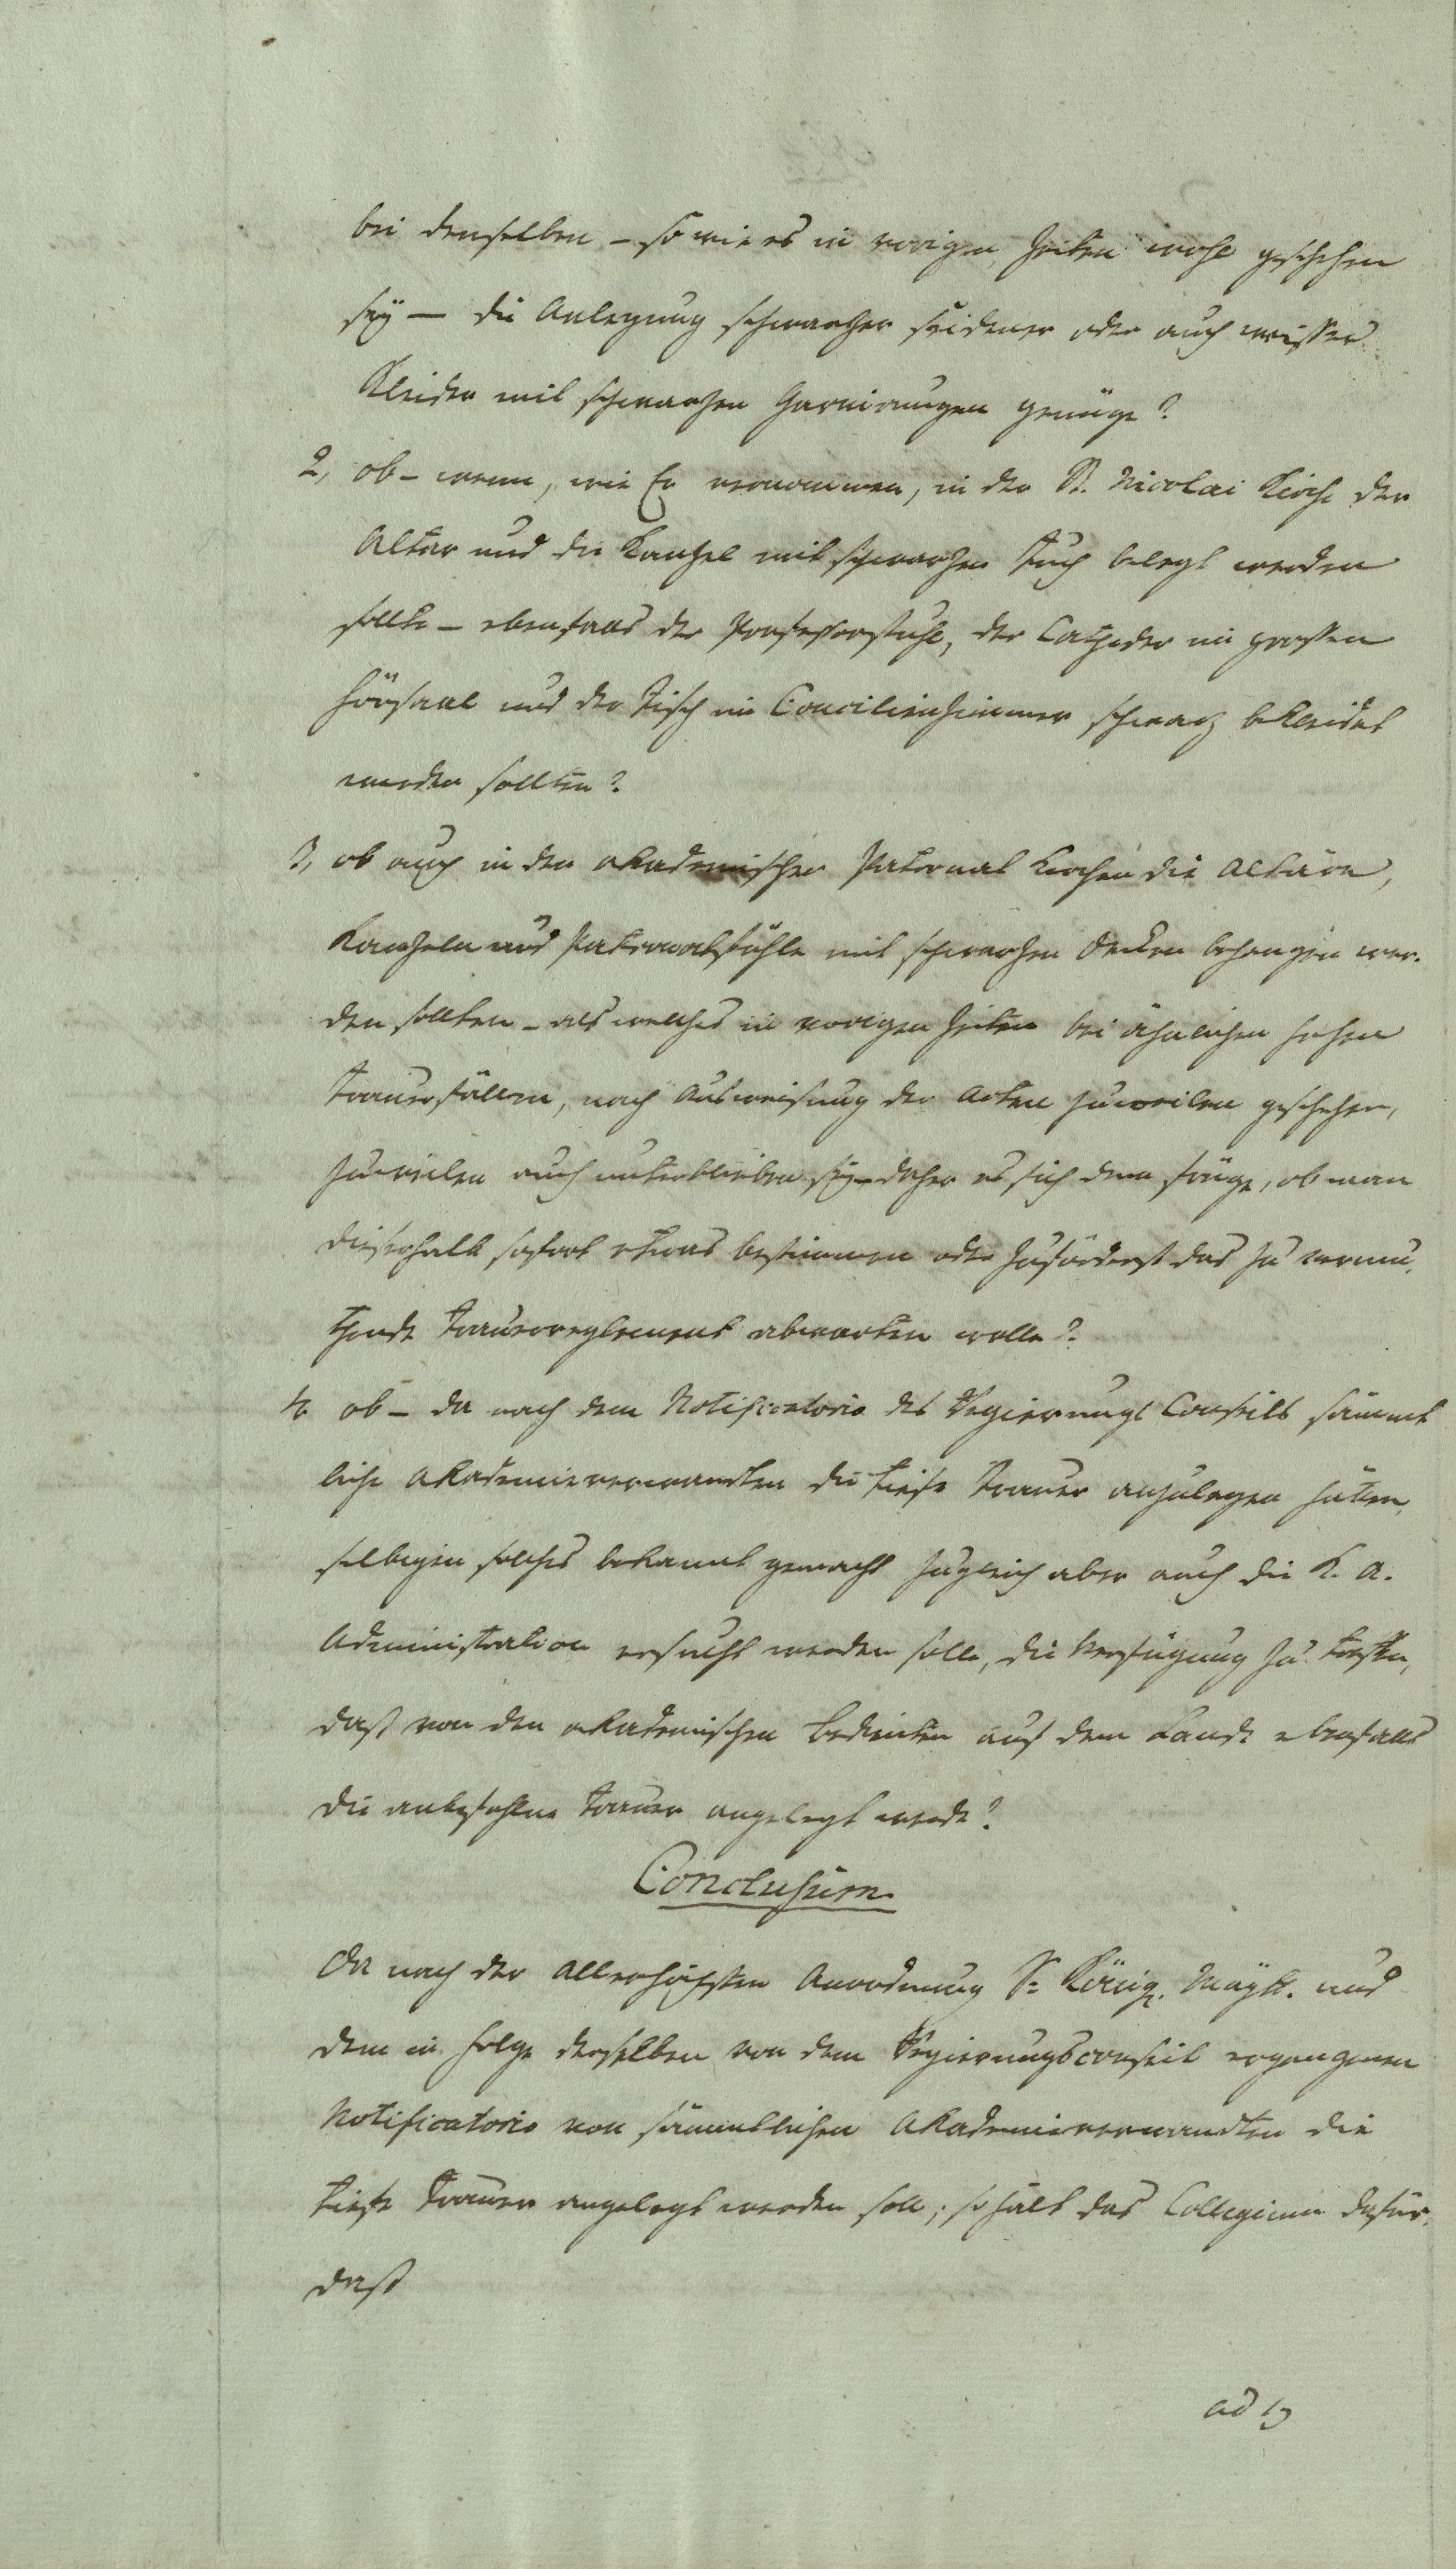bei denselben - so wie es in vorigen Zeiten wohl geschehen
seÿ - die Anlegung schwarzer seidener oder auch weisser
Kleider mit schwarzen Garnirungen genüge?
2, ob - wenn, wie Er vernommen, in der St. Nicolai Kirche der
Altar und die Kanzel mit schwarzem Tuch belegt werden
sollte - ebenfalls der Professorenstuhl, der Catheder im großen
hörsaal und der Tisch im Concilienzimmer schwarz bekleidet
werden sollten?
3, ob auch in den akademischen Patronat Kirchen die Altäre,
Kanzeln und Patronatstühle mit schwarzen Decken behangen wer¬
den sollten - als welches in vorigen Zeiten bei ähnlichen hohen
Trauerfällen, nach Ausweisung der Acten zuweilen geschehen,
zuvielen auch unterblieben seÿ - daher es sich denn früge, ob man
dieserhalb sofort etwas bestimmen oder zuförderst das zu vermu¬
thende Trauerreglement abwarten wolle?
4, ob - da nach dem Notificatorio des Regierungs Conseils sämmt¬
liche Akademieverwandten die tiefe Trauer anzulegen hätten
selbigen solches bekannt gemacht zugleich aber auch die K. A.
Administration ersucht werden solle, die Verfügung zu treffen,
daß von den akademischen Bedienten auf dem Lande ebenfalls
die anbefohlne Trauer angelegt werde?
Conclusum
Da nach der Allerhöchsten Anordnung Sr. Königl. Maÿtt. und
dem in Folge derselben von dem Regierungsconseil ergangenen
Notificatorio von sämmtlichen Akademieverwandten die
tiefe Trauer angelegt werden soll, so hält das Collegium dafür
daß
ad 1.